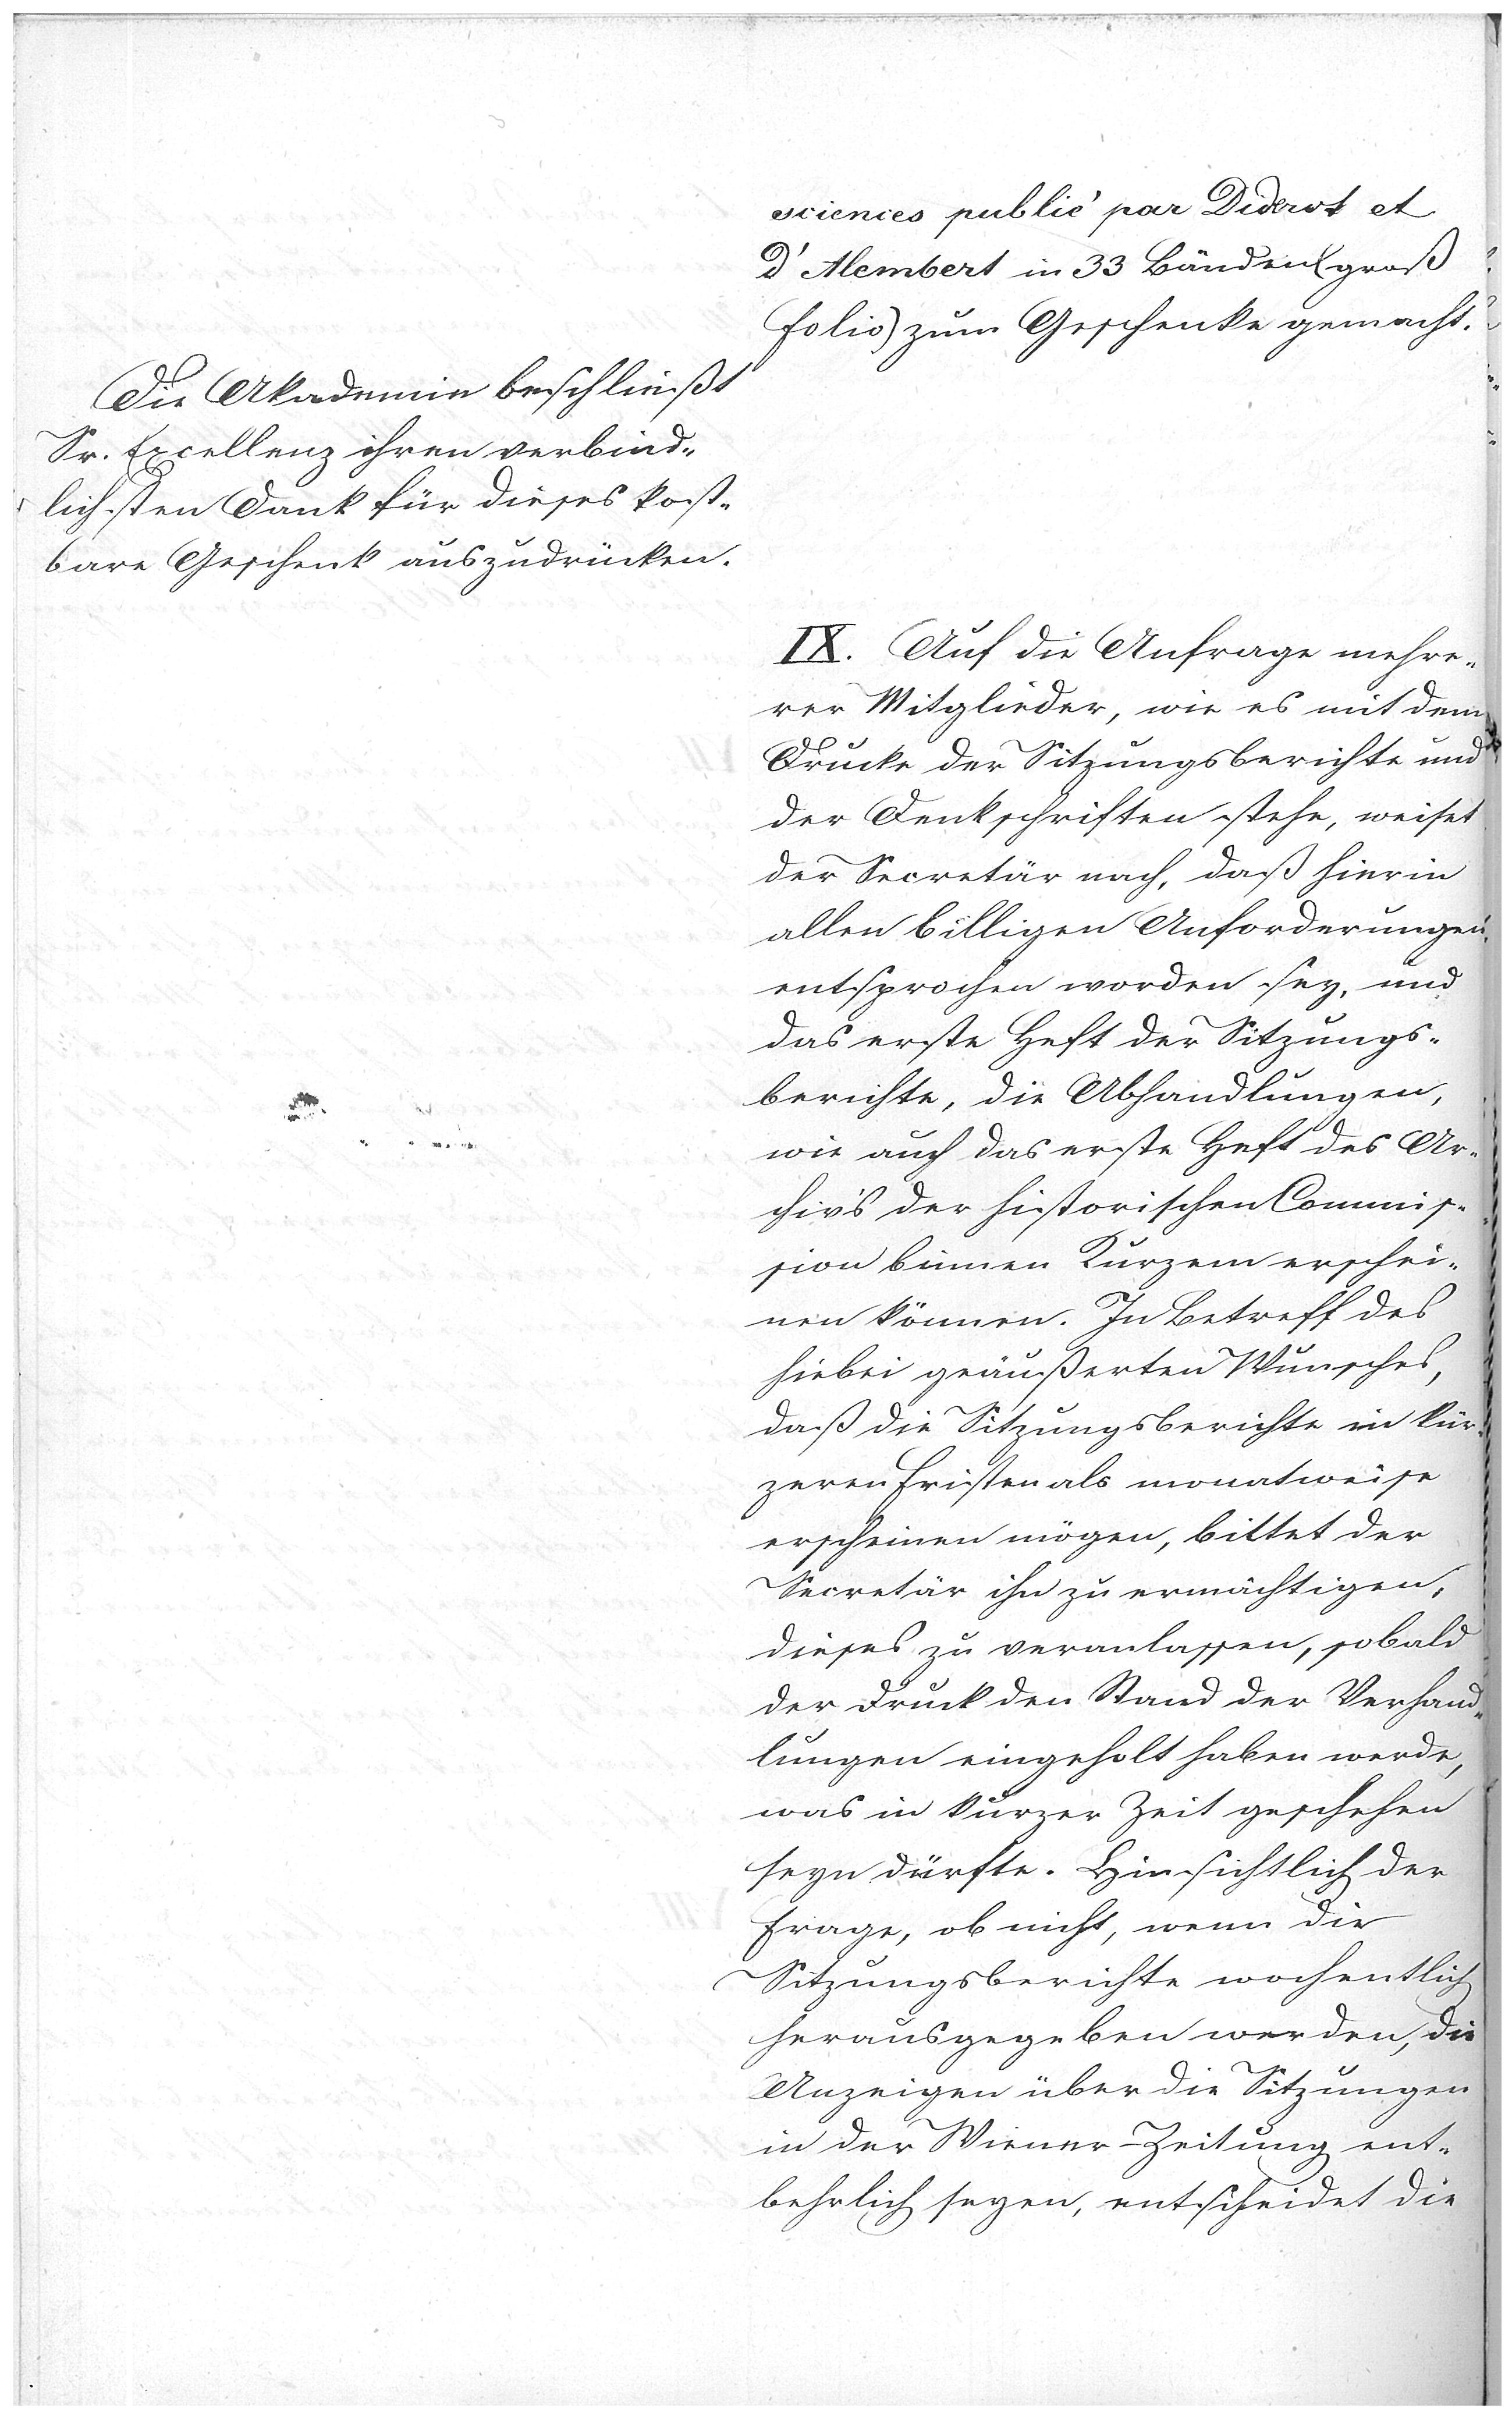sciences publié par Diderot et
d'Alembert in 33 Bänden (groß
folio) zum Geschenke gemacht.
Die Akademie beschließt
Sr. Excellenz ihren verbind-
lichsten Dank für dieses kost-
bare Geschenk auszudrücken.
IX. Auf die Anfrage mehre-
rer Mitglieder, wie es mit dem
Drucke der Sitzungsberichte und
der Denkschriften stehe, weiset
der Secretär nach, daß hierin
allen billigen Anforderungen
entsprochen worden sey und
das erste Heft der Sitzungs-
berichte, die Abhandlungen,
wie auch das erste Hefts des Ar-
chivs der historischen Commis-
sion binnen kurzem erschei.
nen können. In Betreff des
hiebei geäußerten Wunsches
daß die Sitzungsberichte in kür-
zeren Fristen als monatweise
erscheinen mögen, bittet der
Secretär ihn zu ermächtigen,
dieses zu veranlassen, sobald
der Druck den Stand der Verhand-
lungen eingeholt haben werde,
was in kurzer Zeit geschehen
seyn dürfte. Hinsichtlich der
Frage, ob nicht, wenn die
Sitzungsberichte wochentlich
herausgegebenen werden, die
Anzeigen über die Sitzungen-
in der Wiener Zeitung ent-
behrlich seyen, entscheidet die